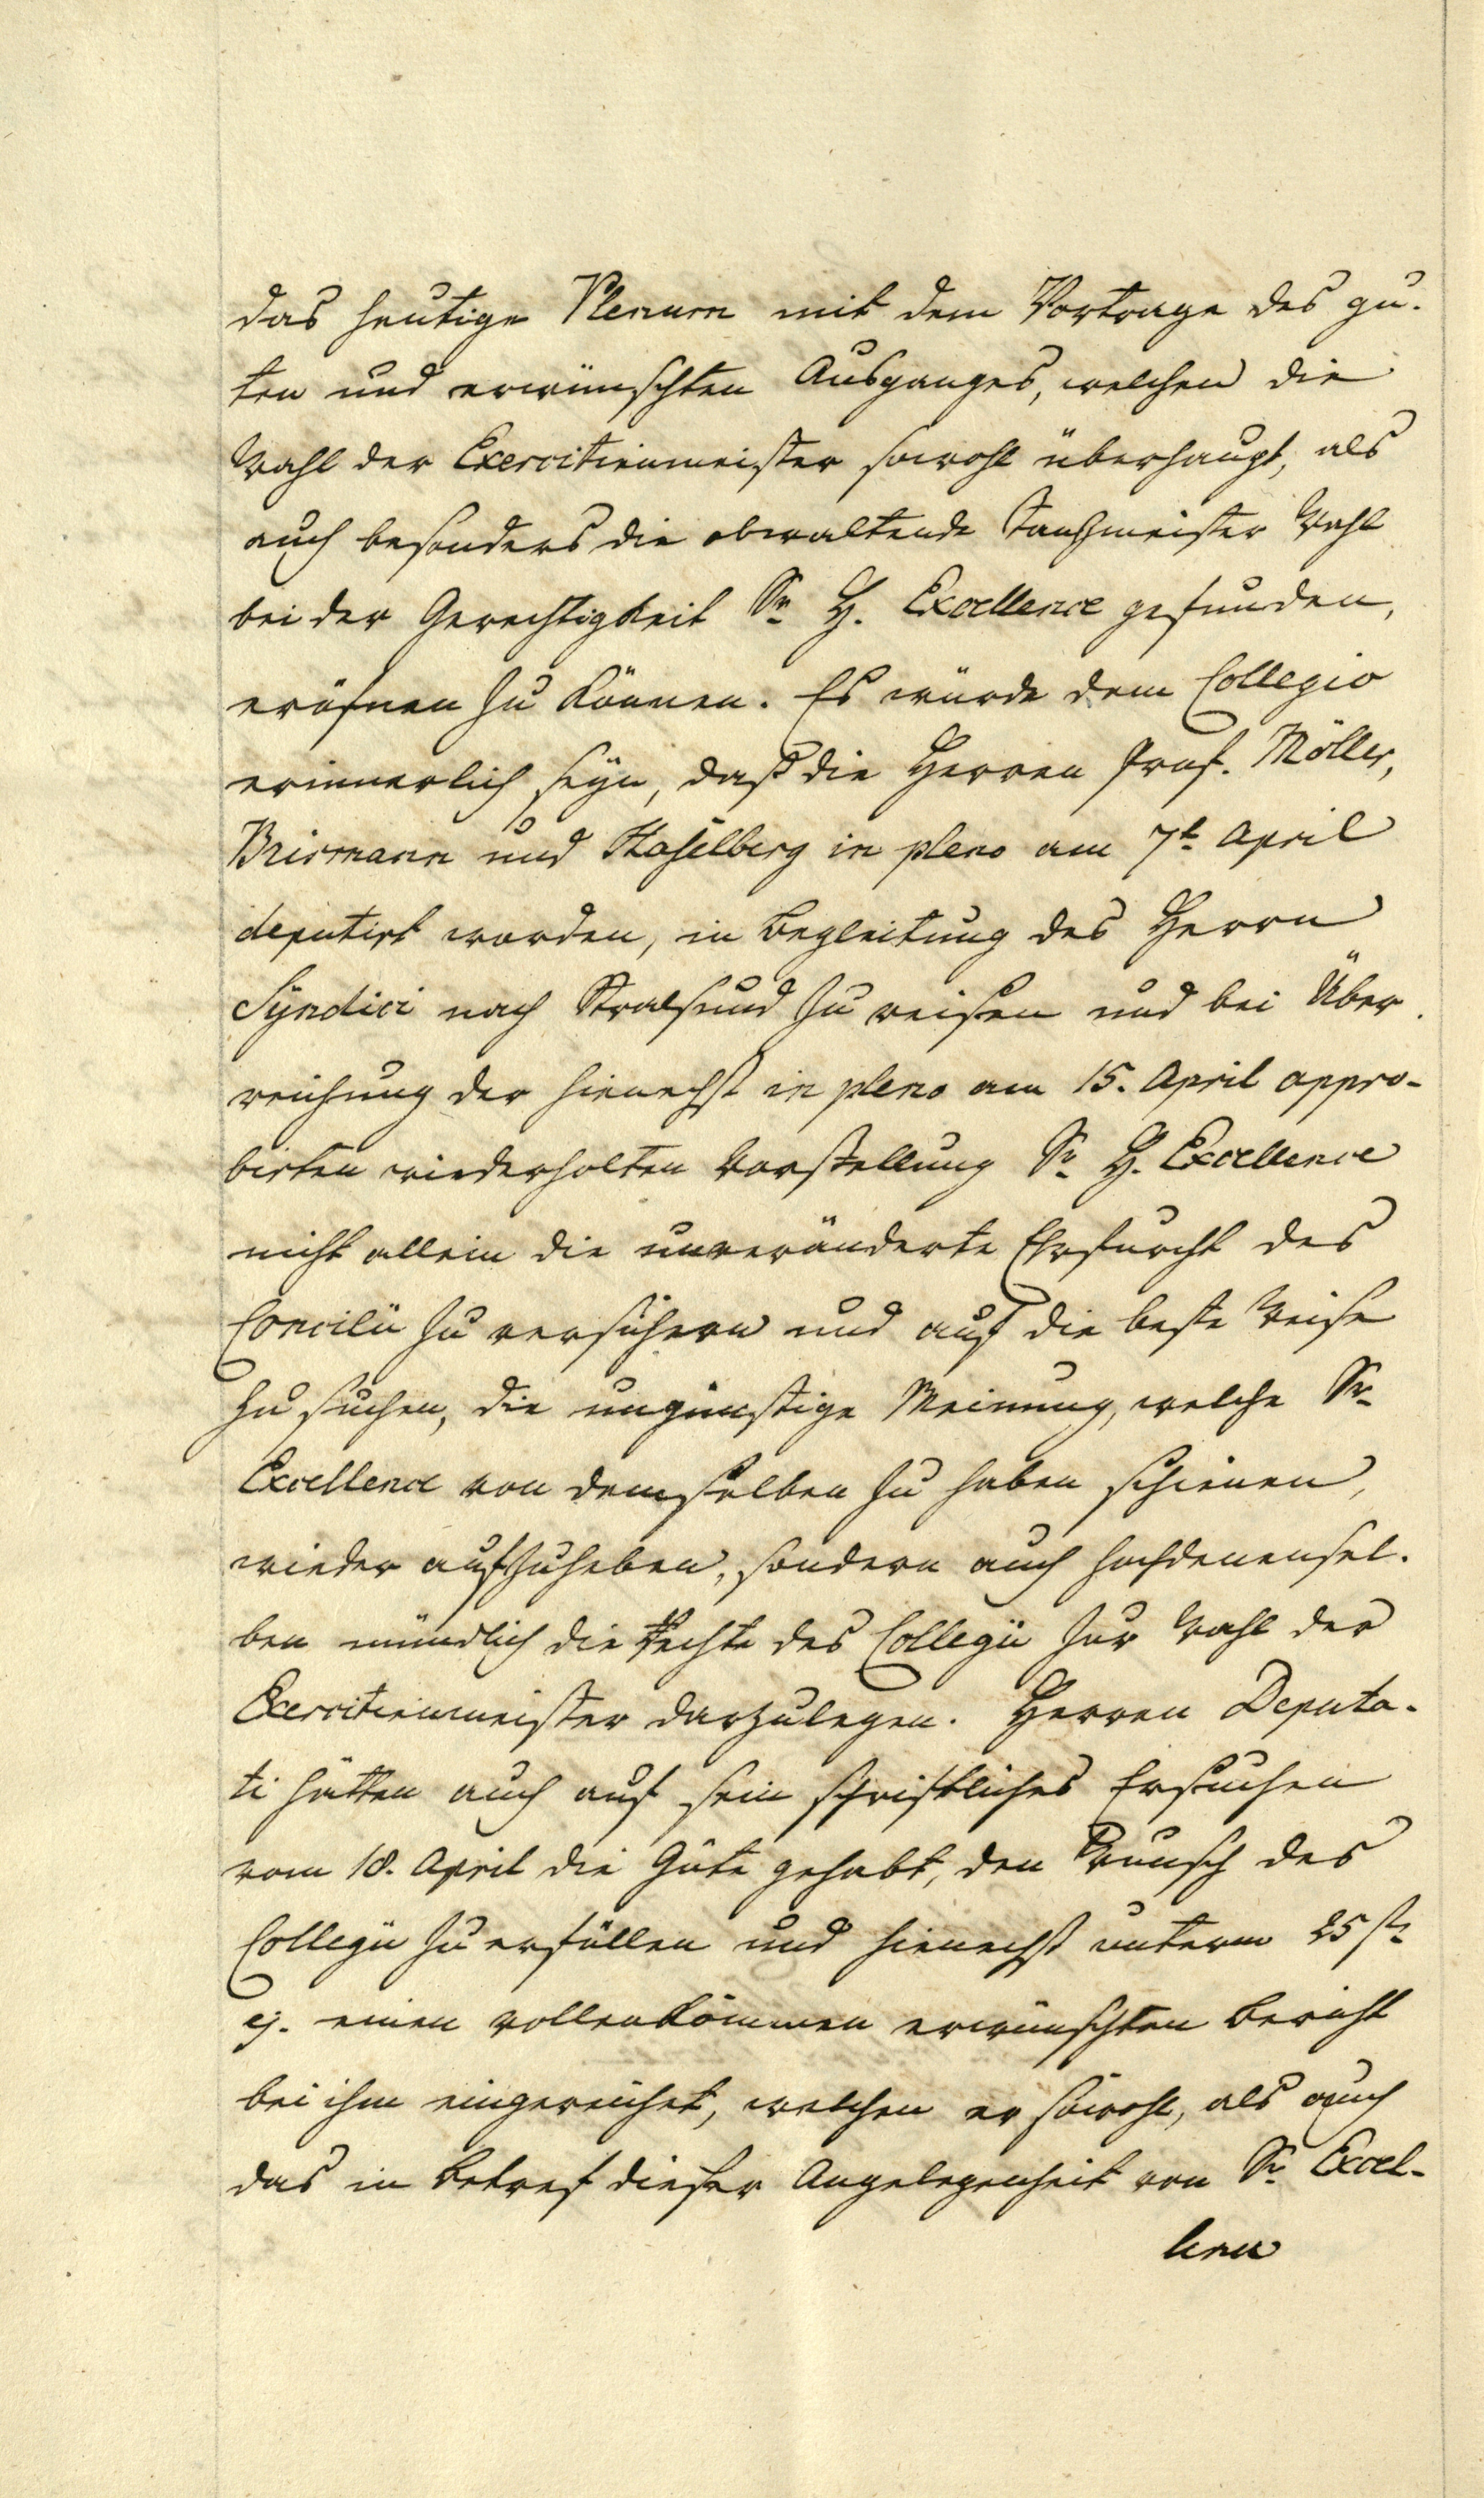das heutige Plenum mit dem Vortrage des gu¬
ten und erwünschten Ausganges, welchen die
Wahl der Exercitienmeister sowohl überhaupt, als
auch besonders die obwaltende Tanzmeister Wahl
bei der Gerechtgkeit Sr H. Excellence gefunden,
eröfnen zu können. Es würde dem Collegio
erinnerlich seÿn, daß die Herren Prof. Möller,
Brismann und Haselberg in pleno am 7 te April
deputiert worden, in Begleitung des Herrn
Sÿndici nach Stralsund zu reisen und bei Über¬
reichung der hienechst in pleno am 15. April appro¬
birten wiederholten Vorstellung Sr H. Excellence
nicht allein die unveränderte Ehrfurcht des
Concilii zu versichern und auf die beste Weise
zu suchen, die ungünstige Meinung, welche Sr
Excellence von demselben zu haben schienen
wieder aufzuheben, sondern auch hochdenensel¬
ben mündlich die Rechte des Collegii zur Wahl der
Exercitienmeister darzulegen. Herren Deputa¬
ti hätten auch auf sein schriftliches Ersuchen
vom 18. April die Güte gehabt, den Wunsch des
Collegii zu erfüllen und hienechst unterm 25 st.
ej. einen vollenkommen erwünschten Bericht
bei ihm eingereichet, welchen er sowohl, als auch
das in Betref dieser Angelegenheit von Sr. Excel¬
lence